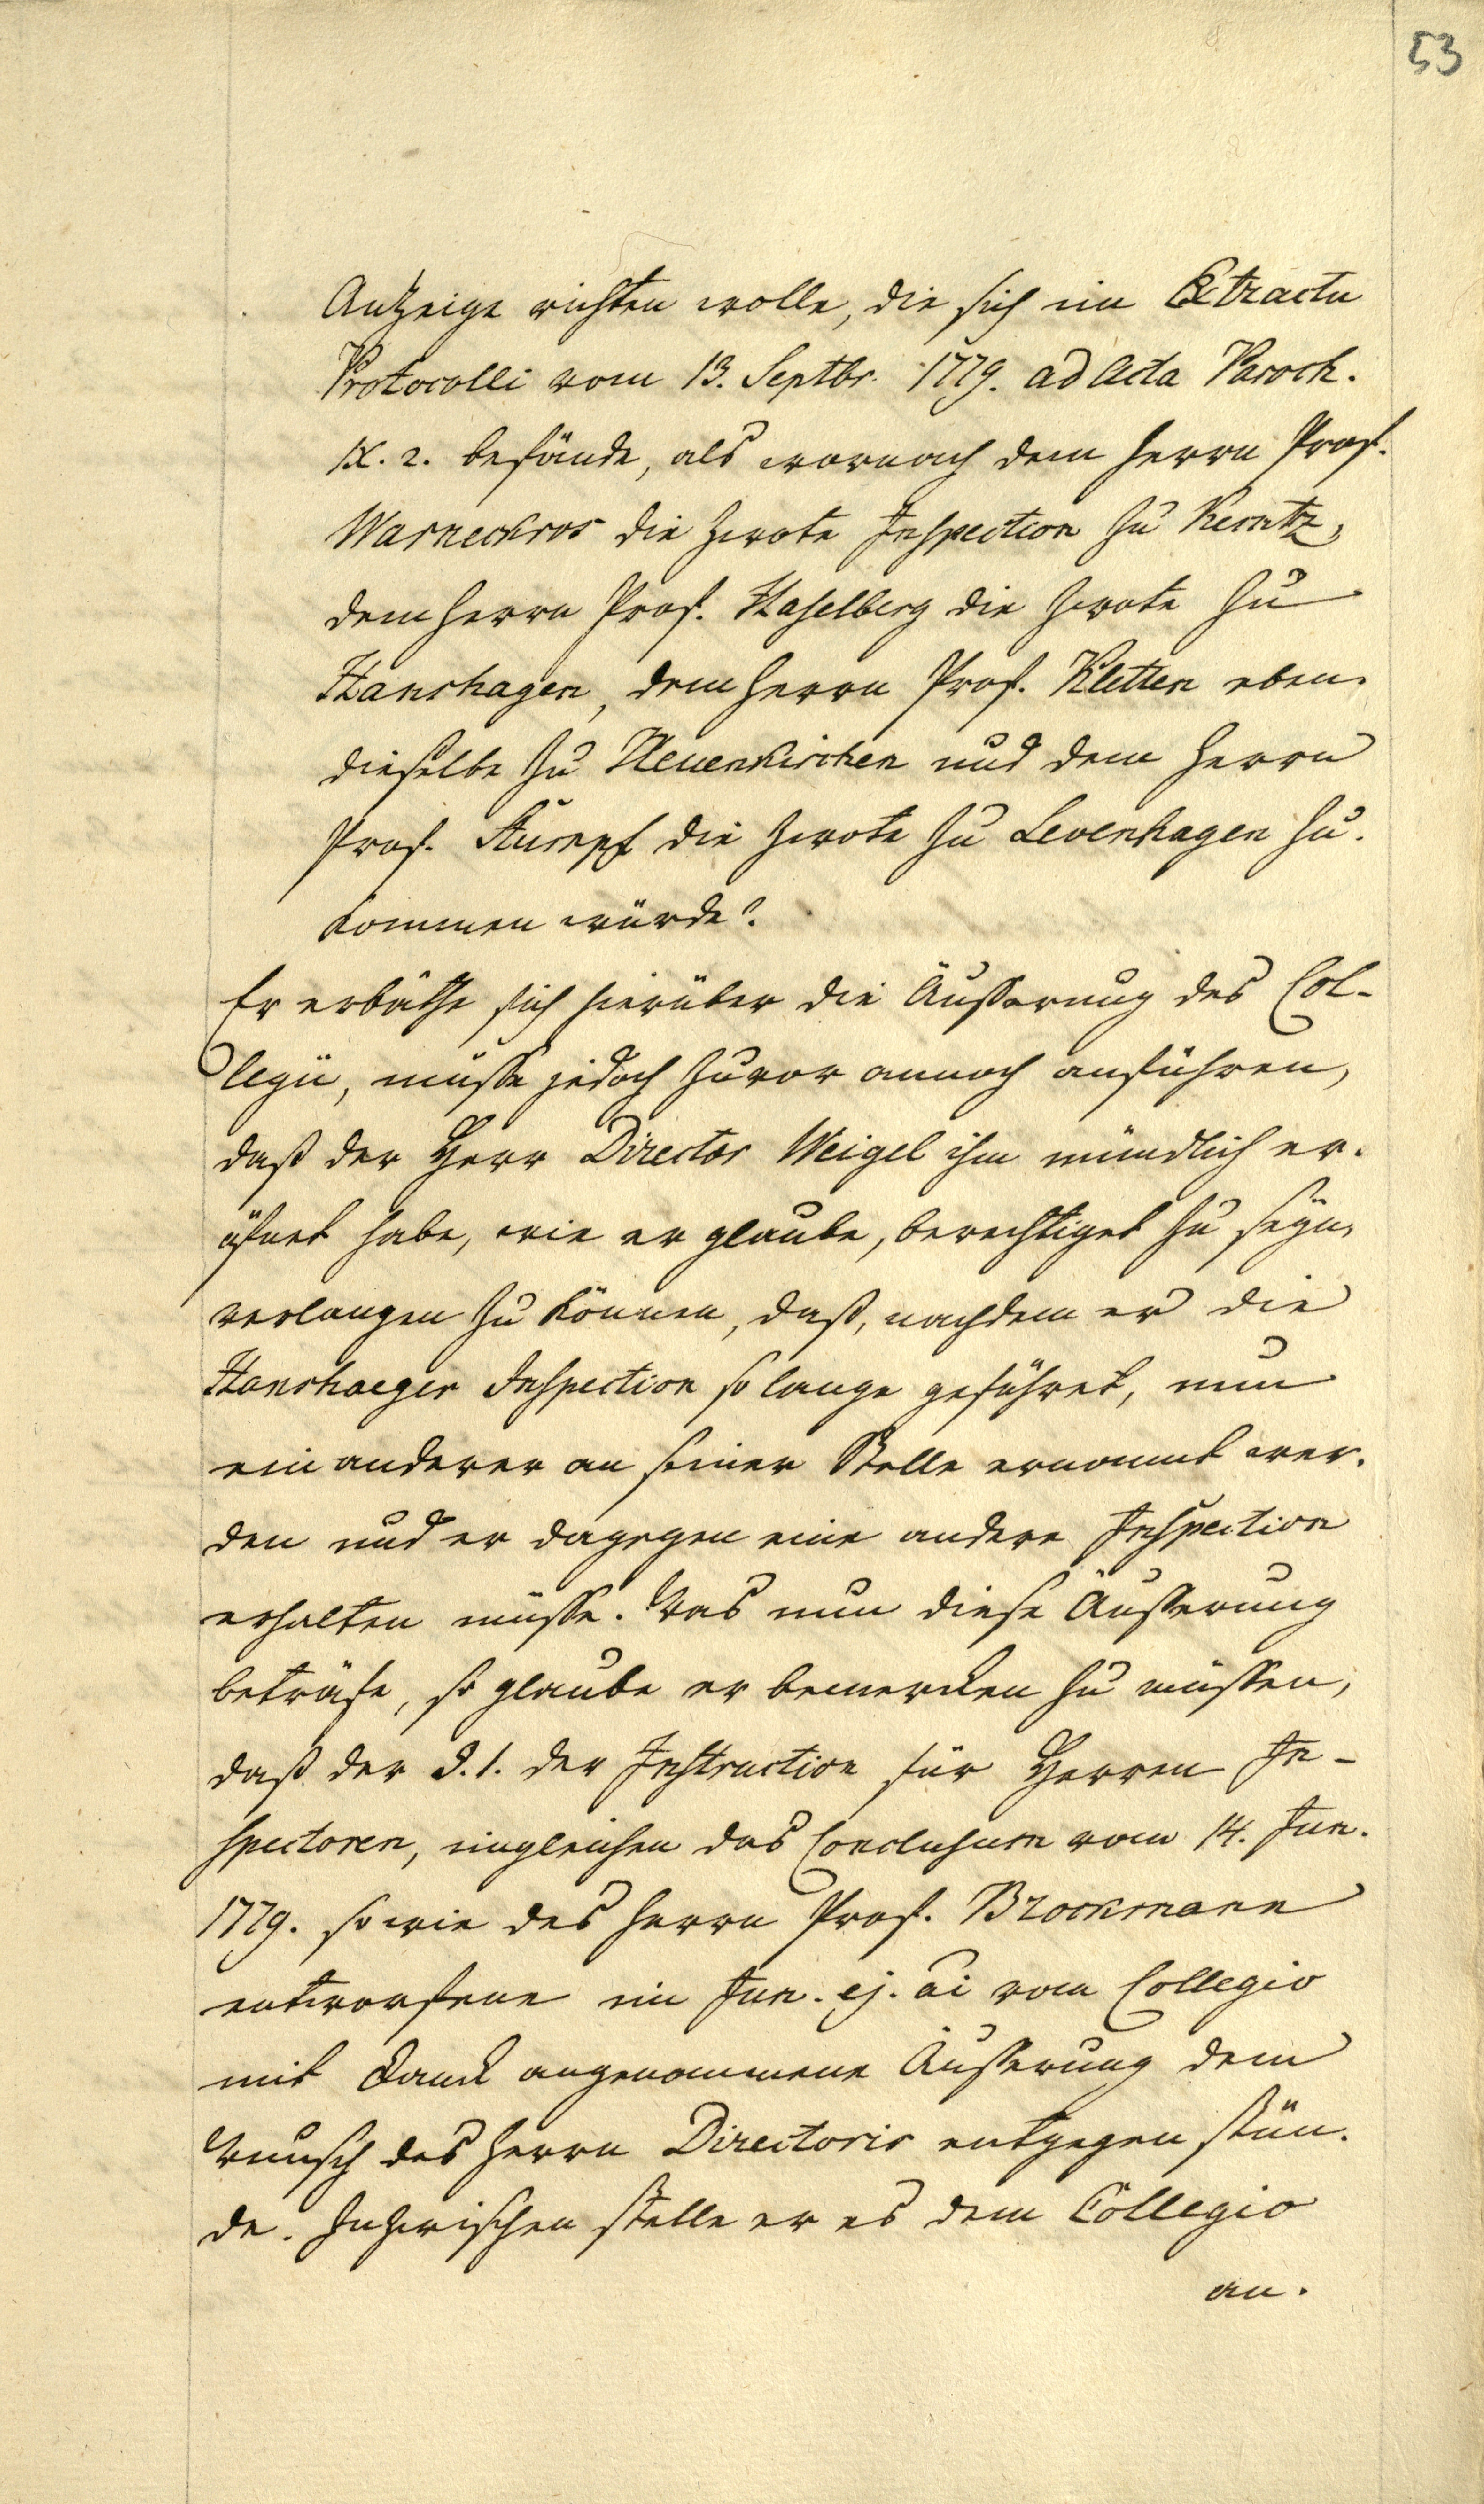Anzeige richten wolle, die sich im Extractu
Protocolli vom 13. Septbr. 1779. ad Acta Paroch.
IX.2. befände, als wornach dem herrn Prof.
Warneckros die zwote Inspection zu Kemtz,
dem herrn Prof. Haselberg die zwote zu
Hanshagen, dem herrn Prof. Kletten eben-
dieselbe zu Neuenkrichen und dem herrn
Prof. Stumpf die zwote zu Levenhagen zu-
kommen würde?
Er erbäthe sich hierüber die Äusserung des Col-
legii, müsse jedoch zuvor annoch anführen,
daß der Herr Director Weigel ihm mündlich er-
öfnet habe, wie er glaube, berechtiget zu seyn,
verlangen zu können, daß nachdem er die
Hanshaeger Inspection so lange geführet, nun
ein anderer an seiner Stelle ernannt wer-
den und er dagegen eine andere Inspection
erhalten müsse. Was nun diese Äusserung
beträfe, so glaube er bemerken zu müssen,
daß der §. 1. der Instruction für Herren In-
spectoren, imgleichen das Conclusum vom 14. Jun.
1779. so wie des herrn Prof. Brockmann
entworfene im Jun. ej. ai vom Collegio
mit Dank angenommene Äusserung dem
Wunsch des herrn Directoris entgegen stün-
de. Inzwischen stelle er es dem Collegio
an-